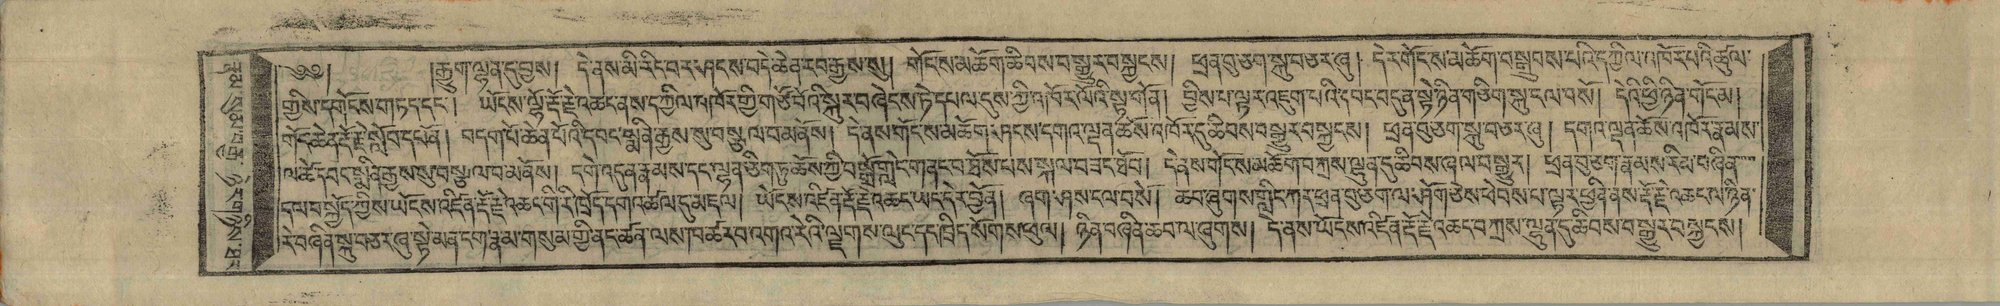༄༅། །རྒྱུག་ལྷན་དུ་བྱས། དེ་ནས་མི་རིང་བར་ཤངས་བདེ་ཆེན་རབ་རྒྱས་སུ། གོང་ས་མཆོག་ཆིབས་བསྒྱུར་བསྐྱངས། ཕྲན་བུ་ཅག་སྐུ་བཅར་ཞུ། དེར་གོང་ས་མཆོག་བསྒྲུབས་པའི་དཀྱིལ་འཁོར་བའི་ཚུལ་
གྱིས་དགོངས་གཏད་དང་། ཡོངས་ལྷོ་རྡོ་རྗེ་འཆང་ནས་དཀྱིལ་འཁོར་གྱི་གཙོ་བོའི་སྐུར་བཞེངས་ཏེ་དཔལ་དུས་ཀྱི་འཁོར་ལོའི་སྟ་གོན། བྱིས་པ་ལྟར་འཇུག་པའི་དབང་བདུན་སྟེ་ཉིན་གཅིག་སྐུ་ངལ་བསོ། དེའི་ཕྱི་ཉིན་གོང་མ།
གོང་ཆེན་རྡོ་རྗེ་སློབ་དཔོན། བདག་པོ་ཆེན་པོའི་དབང་སྨིན་རྒྱས་སུ་བསྩལ་བ་མནོས། དེ་ནས་གོང་ས་མཆོག་ཤངས་དགའ་ལྡན་ཆོས་འཁོར་དུ་ཆིབས་བསྒྱུར་བསྐྱངས། ཕྲན་བུ་ཅག་སྐུ་བཅར་ཞུ། དགའ་ལྡན་ཆོས་འཁོར་རྣམས་
ལ་ཚེ་དབང་སྨིན་རྒྱས་སུ་བསྩལ་བ་མནོས། དགེ་འདུན་རྣམས་དང་ལྷན་ཅིག་ཏུ་ཆོས་ཀྱི་བསྒྲོ་གླེང་གནང་བ་ཐོས་པས་སྐལ་བཟང་ཐོབ། དེ་ནས་གོང་ས་མཆོག་བཀྲས་ལྷུན་དུ་ཆིབས་ཞལ་བསྒྱུར། ཕྲན་བུ་ཅག་རྣམས་རིམ་བཞིན་
དལ་བསྐྱོད་ཀྱིས་ཡོངས་འཛིན་རྡོ་རྗེ་འཆང་གི་རི་ཁྲོད་དགའ་ཚལ་དུ་མཇལ། ཡོངས་འཛིན་རྡོ་རྗེ་འཆང་ཡང་དེར་བྱོན། ཞག་ཤས་ངལ་བསོ། ཆབ་ཞུགས་གླིང་ཀར་ཕྲན་བུ་ཅག་ལ་ཤོག་ཅེས་ཕེབས་པ་ལྟར་ཕྱིན་ནས་རྡོ་རྗེ་འཆང་ལ་ཉིན་
རེ་བཞིན་སྐུ་བཅར་ཞུ་སྟེ་མན་ངག་རྣམ་གསུམ་གྱི་ནང་ཚན་ལས་ཁ་ཚར་བ་འགའ་རེའི་ལྗགས་ལུང་དང་ཁྲིད་སོགས་ཕུལ། ཉིན་བཞིན་ཆབ་ལ་ཞུགས། དེ་ནས་ཡོངས་འཛིན་རྡོ་རྗེ་འཆང་བཀྲས་ལྷུན་དུ་ཆིབས་བསྒྱུར་བསྐྱངས།